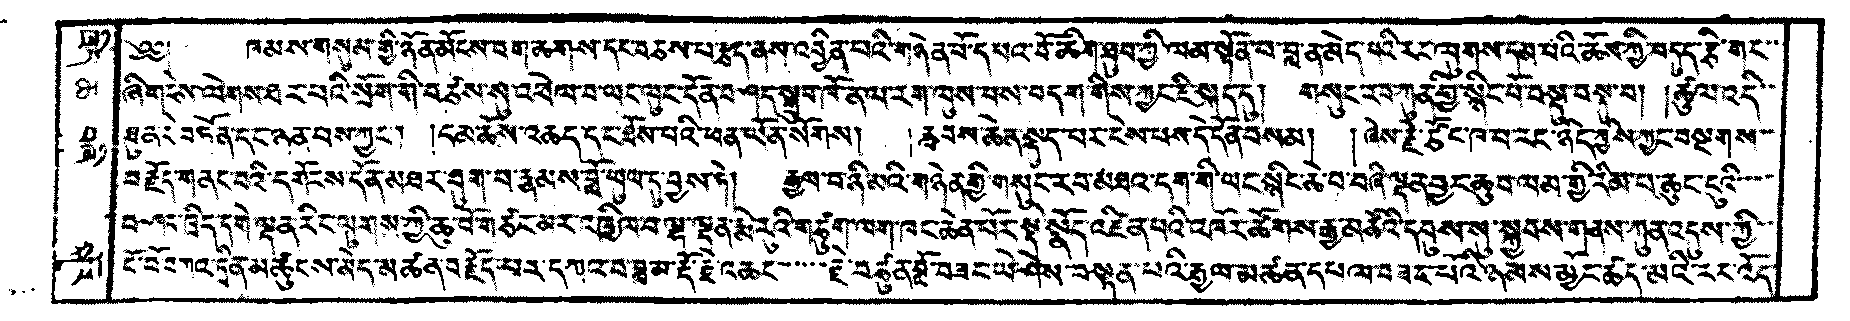༄༅། །ཁམས་གསུམ་གྱི་ཉོན་མོངས་བག་ཆགས་དང་བཅས་པ་རྩད་ནས་འབྱིན་པའི་གཉེན་པོ་དཔའ་བོ་ཆིག་ཐུབ་ཀྱི་ལམ་སྟོན་པ་བླ་ན་མེད་པའི་རང་ལུགས་དམ་པའི་ཆོས་ཀྱི་བདུད་རྩི་གང་
ཞིག་ངེས་ལེགས་ཐར་པའི་སྲོག་གི་བཙས་སུ་འཕེལ་བ་ཡང་ལུང་དོན་བཤད་སྒྲུབ་ཁོ་ན་ལ་རག་ལུས་པས་བདག་གིས་ཀྱང་ཇི་སྐད་དུ། གསུང་རབ་ཀུན་གྱི་སྙིང་པོ་བསྡུ་བསྡུ་བ། །ཚུལ་འདི་
ཐུན་རེ་བཏོན་དང་ཉན་པས་ཀྱང་། །དམ་ཆོས་འཆད་དང་ཐོས་པའི་ཕན་ཡོན་སོགས། །རླབས་ཆེན་སྡུད་པར་ངེས་པས་དེ་དོན་བསམ། །ཞེས་རྗེ་ཙོང་ཁ་པ་རང་ཉིད་ཀྱིས་ཀྱང་བསྔགས་
བརྗོད་གནང་བའི་དགོངས་དོན་མཐར་ཐུག་པ་རྣམས་བློ་ཡུལ་དུ་བྱས་ཏེ། རྒྱལ་བ་ཉི་མའི་གཉེན་གྱི་གསུང་རབ་མཐའ་དག་གི་ཡང་སྙིང་ཆེ་བ་བཞི་ལྡན་བྱང་ཆུབ་ལམ་གྱི་རིམ་པ་ཆུང་ངུའི་
བཤད་ཁྲིད་དགེ་ལྡན་རིང་ལུགས་ཀྱི་ཆུ་བོ་གཙང་མར་འཁྱིལ་བ་ལྷ་ལྡན་རྨེ་རུའི་གཙུག་ལག་ཁང་ཆེན་པོར་སྡེ་སྣོད་འཛིན་པའི་འཁོར་ཚོགས་རྒྱ་མཚོའི་དབུས་སུ་སྐྱབས་གནས་ཀུན་འདུས་ཀྱི་
ངོ་བོ་བཀའ་དྲིན་མཚུངས་མེད་མཚན་བརྗོད་པར་དཀའ་བ་བླ་མ་རྡོ་རྗེ་འཆང་རྗེ་བཙུན་བློ་བཟང་ཡེ་ཤེས་བསྟན་པའི་རྒྱལ་མཚན་དཔལ་བཟང་པོའི་ཉམས་མྱོང་ཚད་མའི་རང་འོད་